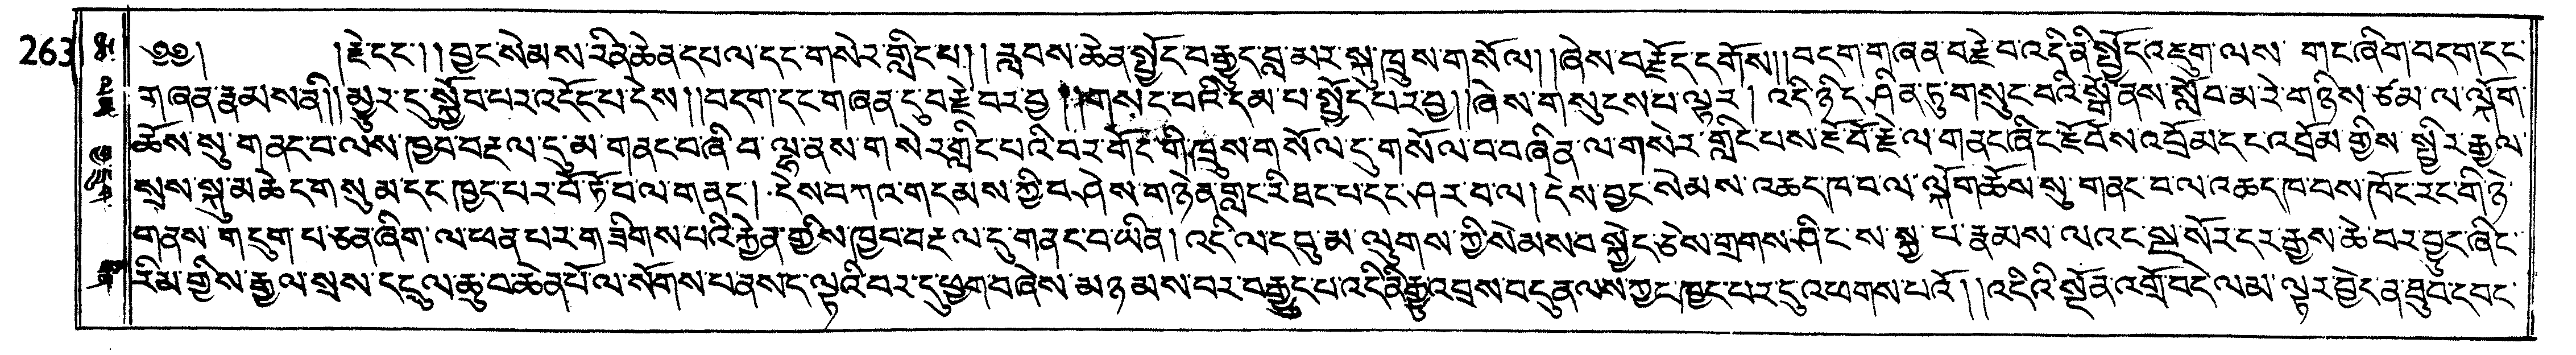༄༅། །རྗེ་དང་། །བྱང་སེམས་རིན་ཆེན་དཔལ་དང་གསེར་གླིང་པ། །རླབས་ཆེན་སྤྱོད་བརྒྱུད་བླ་མར་སྐུ་ཁྲུས་གསོལ། །ཞེས་བརྗོད་དགོས། །བདག་གཞན་བརྗེ་བ་འདི་ནི་སྤྱོད་འཇུག་ལས་གང་ཞིག་བདག་དང་
གཞན་རྣམས་ནི། །མྱུར་དུ་སྐྱོབ་པར་འདོད་པ་དེས། །བདག་དང་གཞན་དུ་བརྗེ་བར་བྱ། །གསང་བའི་དམ་པ་སྤྱོད་པར་བྱ། །ཞེས་གསུངས་པ་ལྟར། འདི་ཉིད་ཤིན་ཏུ་གསུང་བའི་སྒོ་ནས་སློབ་མ་རེ་གཉིས་ཙམ་ལ་ལྐོག་
ཆོས་སུ་གནང་བ་ལས་ཁྱབ་བརྡལ་དུ་མ་གནང་བ་ཞི་བ་ལྷ་ནས་གསེར་གླིང་པའི་བར་གོང་གི་ཁྲུས་གསོལ་དུ་གསོལ་བ་བཞིན་ལ་གསེར་གླིང་པས་ཇོ་བོ་རྗེ་ལ་གནང་ཞིང་ཇོ་བོས་འབྲོམ་དང་འབྲོམ་གྱིས་སྤྱིར་རྒྱལ་
སྲས་སྐུ་མཆེད་གསུམ་དང་ཁྱད་པར་བོ་ཏོ་པ་ལ་གནང་། དེས་བཀའ་གདམས་ཀྱི་བཤེས་གཉེན་གླང་རི་ཐང་པ་དང་ཤར་བ་ལ། དེས་བྱང་སེམས་འཆད་ཁ་བ་ལ་ལྐོག་ཆོས་སུ་གནང་བ་ལ་འཆད་ཁ་བས་ཁོང་རང་གི་ཉེ་
གནས་གདུག་པ་ཅན་ཞིག་ལ་ཕན་པར་གཟིགས་པའི་རྐྱེན་གྱིས་ཁྱབ་བརྡལ་དུ་གནང་བ་ཡིན། འདི་ལ་དབུ་མ་ལུགས་ཀྱི་སེམས་བསྐྱེད་ཅེས་གྲགས་ཤིང་ས་སྐྱ་པ་རྣམས་ལའང་སྔ་སོར་དར་རྒྱས་ཆེ་བར་བྱུང་ཞིང་
རིམ་གྱིས་རྒྱལ་སྲས་དངུལ་ཆུ་བ་ཆེན་པོ་ལ་སོགས་པ་ནས་ད་ལྟའི་བར་དུ་ཕྱག་བཞེས་མཉམས་བར་བརྒྱུད་པ་འདི་ནི་རྒྱུ་འབྲས་བདུན་ལས་ཀྱང་ཁྱད་པར་དུ་འཕགས་པའོ། །འདིའི་སྔོན་འགྲོ་བདེ་ལམ་ལྟར་བྱེད་ན་ཐུབ་དབང་